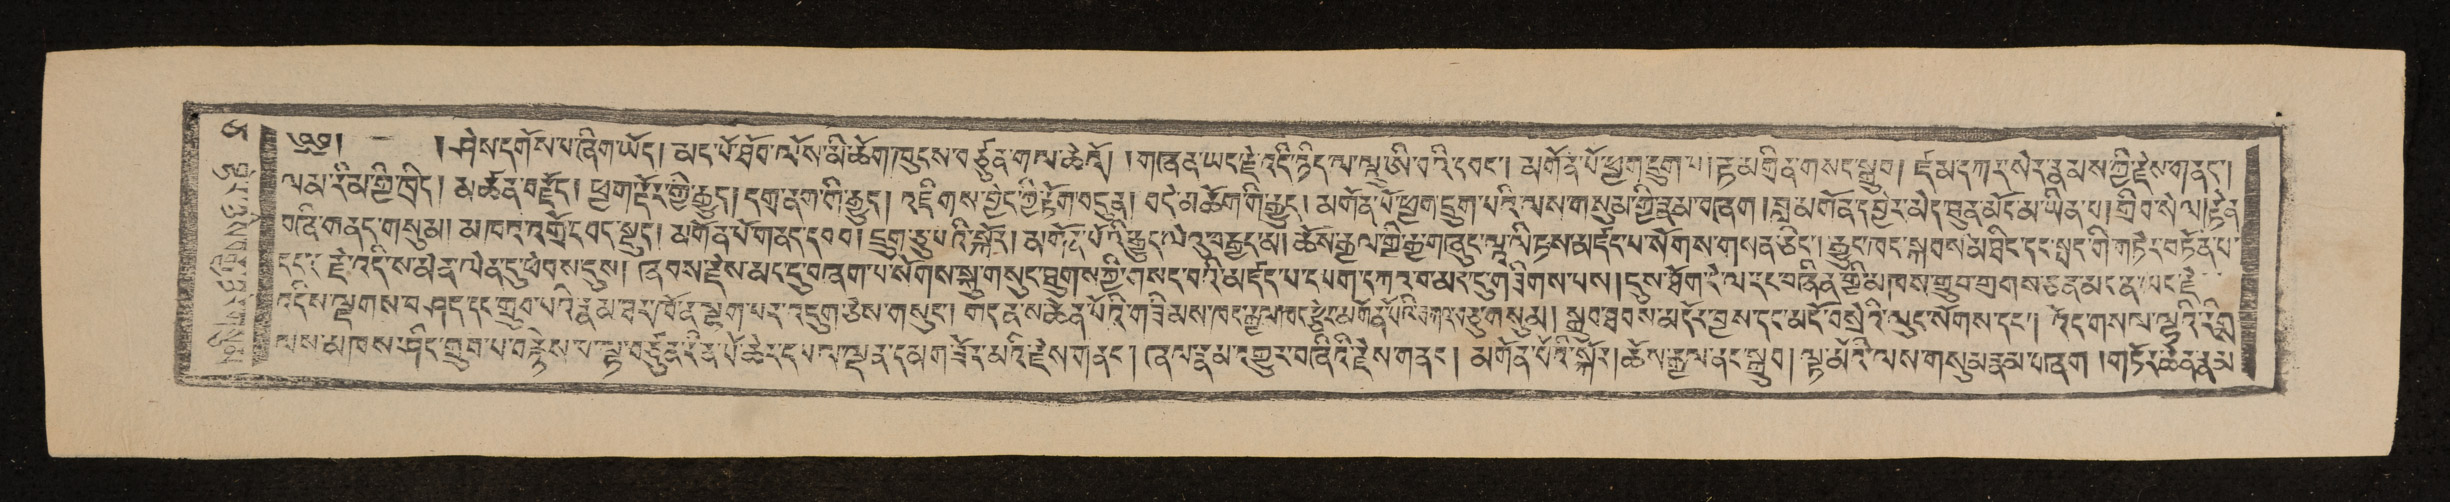༄༅། །ཤེས་དགོས་པ་ཞིག་ཡོད། མང་པོ་ཐོབ་ལོས་མི་ཆོག་ཁུངས་བཙུན་གལ་ཆེའོ། །གཞན་ཡང་རྗེ་འདི་ཉིད་ལ་ལཱུ་ཨི་བའི་དབང་། མགོན་པོ་ཕྱག་དྲུག་པ། རྟ་མགྲིན་གསང་སྒྲུབ། ཛ་མ་དཀར་སེར་རྣམས་ཀྱི་རྗེས་གནང་།
ལམ་རིམ་གྱི་ཁྲིད། མཚན་བརྗོད། ཕྱག་རྡོར་གྱི་རྒྱུད། དགྲ་ནག་གི་རྒྱུད། འཇིགས་བྱེད་ཀྱི་རྟོག་བདུན། བདེ་མཆོག་གི་རྒྱུད། མགོན་པོ་ཕྱག་དྲུག་པའི་ལས་གསུམ་གྱི་རྣམ་བཞག །བླ་མགོན་དབྱེར་མེད་ཐུན་མོང་མ་ཡིན་པ། གྲིབ་སེལ། རྟེན་
བཞི་གནང་གསུམ། མཁའ་འགྲོ་དབང་སྡུད། མགོན་པོ་གནད་དབབ། དྲུག་ཅུ་པའི་སྐོར། མགོན་པོའི་རྒྱུད་ལེའུ་བརྒྱད་མ། ཆོས་རྒྱལ་གྱི་རྒྱ་གཞུང་ལཱ་ལི་ཏས་མཛད་པ་སོགས་གསན་ཅིང་། རྒྱུད་ཁང་སྐབས་མཐིང་དང་སྤང་གི་གཏེར་བཏོན་པ་
དང༑ རྗེ་འདི་ས་མེན་ལེན་དུ་ཕེབས་དུས། ཞབས་རྗེས་མང་དུ་བཞག་པ་སོགས་སྐུ་གསུང་ཐུགས་ཀྱི་གསང་བའི་མཛད་པ་དཔག་དཀའ་བ་མང་དུ་གཟིགས་པས། དུས་ཐོག་དེ་ལ་རང་བཞིན་གྱི་མཁས་གྲུབ་གྲགས་ཅན་མང་ན་ཡང་རྗེ་
འདིས་ལྗགས་བཤད་དང་གྲུབ་པའི་རྣམ་ཐར་ཁོ་ན་ལྷག་པར་འདུག་ཅེས་གསུངས། གདན་ས་ཆེན་པོའི་གཟིམས་ཁང་རྒྱལ་ཁང་རྩེར་མགོན་པོའི་བཀའ་བཅུ་གསུམ། སྒྲུབ་ཐབས་མདོར་བྱས་དང་མདོ་བསྲེའི་ལུང་སོགས་དང་། འོད་གསལ་ལྷའི་རིགས་
ལས་མཁས་ཤིང་གྲུབ་པ་བརྙེས་པ་ལྷ་བཙུན་རིན་པོ་ཆེར་དཔལ་ལྡན་དམག་ཟོར་མའི་རྗེས་གནང་། ཞལ་རྣམ་འགྱུར་བཞིའི་རྗེས་གནང་། མགོན་པོའི་སྐོར། ཆོས་རྒྱལ་ནང་སྒྲུབ། ལྷ་མོའི་ལས་གསུམ་རྣམ་བཞག །གཏོར་ཆེན་རྣམ་